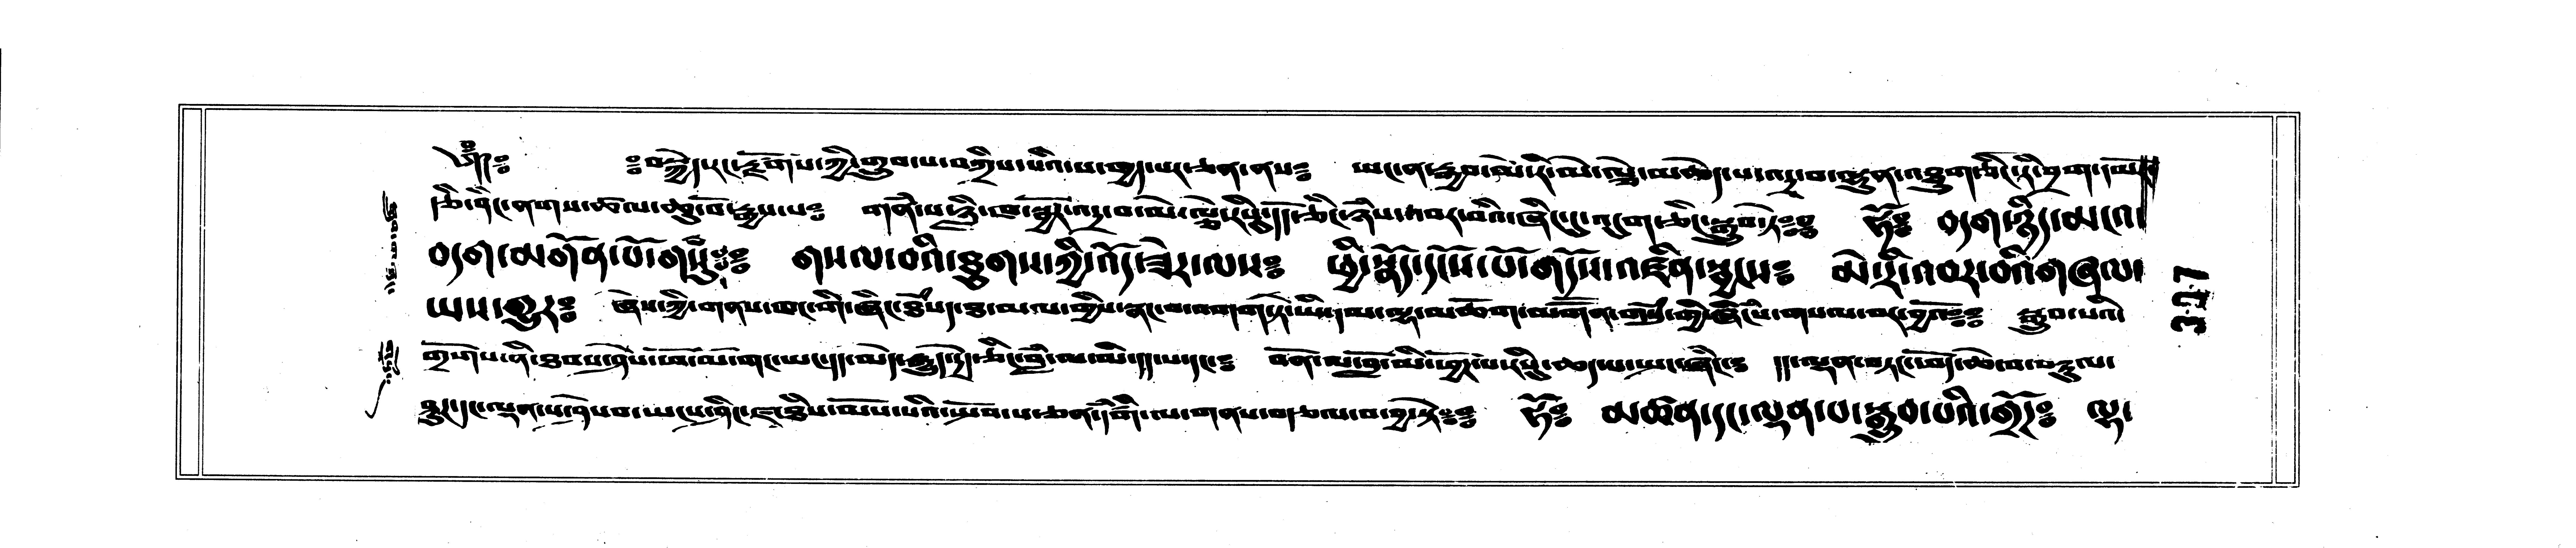༔བསྐྱེད་རང་རྫོགས་ཀྱིས་གྲུབ་པ་བཀྲ་ཤིས་པའི་ས་ཁྱད་པར་ཅན་ནམ༔ ཡང་ན་རྒྱབ་མེ་རི་མེ་ལྕེ་མཆེད་པ་འདྲ་བ་ལྷུན་འཐུག་ཅིང་རི་བྲག་དམར་པོ་
རྩི་ཤིང་ནགས་ཚལ་ཆུ་བོ་རྒྱས་པ༔ གནམ་པ་ཉི་ཟླ་ཁ་སྦྱོར་འདྲ་བ་མེ་ལྕེ་རིས་སུ་དོད་ཅིང་ཉམས་འབར་བའི་ཞིང་དུ་འདུག་ཅིང་བསྒྲུབ་སྟེ༔༔ ཧོ༔ བདག་ཉིད་མངའ་
བདག་མགོན་པོ་གསུམཿ༔ གསལ་བའི་ཐུགས་ཀྱི་འོད་ཟེར་ལས༔ ཕྱི་སྣོད་དངོས་པོ་གདོས་འཛིན་སྦྱངས༔ མེ་རི་འབར་བའི་གཞལ་
ཡས་གྱུར༔ ཞེས་ཀྱི་གནས་ཁང་གི་ཞིང་ཐམས་ཅད་ཐ་མལ་གྱིས་སྣང་བ་བགག་ཏེ་ཡི་དམ་ལྷ་མཆོག་མགོན་པོ་གསུམ་གྱི་ཞིང་ཁམས་གསལ་བར་བྱའོ༔༔ སྒྲུབ་པའི་
གྲོགས་ནི་ཐབས་ཤེས་ཕོ་མོ་གང་ཡང་དད་མེད་རྒྱུད་དྲེད་ཅིང་བླ་མ་ལ་མི་དད་པ་དང་༔ བོན་ལ་བློ་མི་ཕྱོགས་པ་རིས་སུ་ཆད་པ་སྤང་ཞིང་༔ དད་ལྡན་གཏོང་ཕོད་ཆེ་བ་བརྟུལ་
ཤུགས་དང་ལྡན་པ་ཤེས་པ་ཡངས་ཤིང་ཛྭ་ཐིས་མོས་པའི་སྤོབ་པ་ཅན་དམ་ཚིག་ལ་གནས་བརྩལ་བ་བྱ་སྟེ༔༔ ཧོ༔ མཚན་དད་ལྡན་པ་སྒྲུབ་པའི་གྲོགས༔ ལྷ་